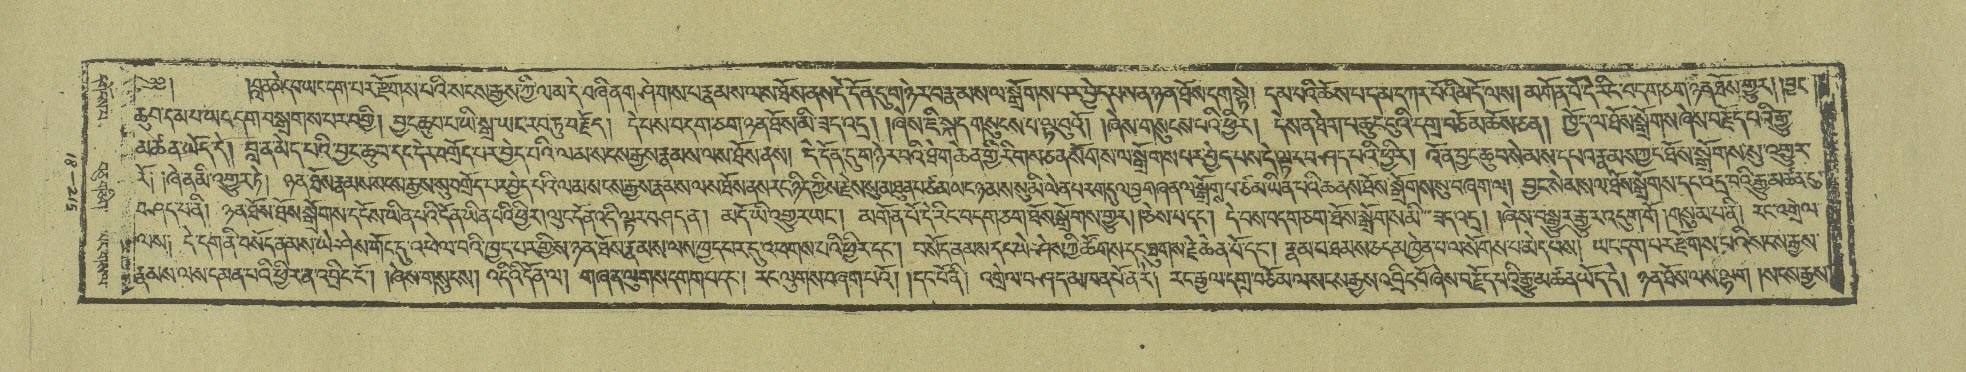༄༅། །བླ་ན་མེད་པ་ཡང་དག་པར་རྫོགས་པའི་སངས་རྒྱས་ཀྱི་ལམ་དེ་བཞིན་གཤེགས་པ་རྣམས་ལས་ཐོས་ནས་དེ་དོན་དུ་གཉེར་བ་རྣམས་ལ་སྒྲོགས་པར་བྱེད་པས་ན་ཉན་ཐོས་དག་སྟེ། དམ་པའི་ཆོས་པ་དམ་དཀར་པོའི་མདོ་ལས། མགོན་པོ་དེ་རིང་བདག་ཅག་ཉན་ཐོས་གྱུར། །བྱང་
ཆུབ་དམ་པ་ཡང་དག་བསྒྲགས་པར་བགྱི། བྱང་ཆུབ་བ་ཡི་སྒྲ་ཡང་རབ་ཏུ་བརྗོད། དེ་བས་བདག་ཅག་ཉན་ཐོས་མི་ཟད་འདྲ། །ཞེས་ཇི་སྐད་གསུངས་པ་ལྟ་བུའོ། །ཞེས་གསུངས་པའི་ཕྱིར། དེས་ན་ཐེག་པ་ཆུང་ངུའི་དགྲ་བཅོམ་ཆོས་ཅན། ཁྱོད་ལ་ཐོས་སྒྲོགས་ཞེས་བརྗོད་པའི་རྒྱུ་
མཚན་ཡོད་དེ། བླ་ན་མེད་པའི་བྱང་ཆུབ་དང་དེར་བགྲོད་པར་བྱེད་པའི་ལམ་སངས་རྒྱས་རྣམས་ལས་ཐོས་ནས། དེ་དོན་དུ་གཉེར་བའི་ཐེག་ཆེན་གྱི་རིགས་ཅན་སོགས་ལ་སྒྲོགས་པར་བྱེད་པས་དེ་ལྟར་བཤད་པའི་ཕྱིར། འོ་ན་བྱང་ཆུབ་སེམས་དཔའ་རྣམས་ཀྱང་ཐོས་སྒྲོགས་སུ་འགྱུར་
རོ། །ཞེ་ན་མི་འགྱུར་ཏེ། ཉན་ཐོས་རྣམས་སངས་རྒྱས་སུ་བགྲོད་པར་བྱེད་པའི་ལམ་སངས་རྒྱས་རྣམས་ལས་ཐོས་ནས་རང་ཉིད་ཀྱིས་རྗེས་སུ་མཐུན་པ་ཙམ་ཡང་ཉམས་སུ་མི་ལེན་པར་གདུལ་བྱ་གཞན་ལ་སྒྲོགས་པ་ཙམ་ཡིན་པའི་ཆ་ནས་ཐོས་སྒྲོགས་སུ་གཞག་ལ། བྱང་སེམས་ལ་ཐོས་སྒྲོགས་དང་འདྲ་བའི་རྒྱུ་མཚན་དུ་
བཤད་པ་ནི། ཉན་ཐོས་སྒྲོགས་དངོས་ཡིན་པའི་དོན་ཡིན་པའི་ཕྱིར་ལུང་དོན་འདི་ལྟར་བཤད་ན། མདོ་ཡི་འབྱུང་ཡང་། མགོན་པོ་དེ་རིང་བདག་ཅག་ཐོས་སྒྲོགས་གྱུར། །ཅེས་པ་དང་། དེ་བས་བདག་ཅག་ཐོས་སྒྲོགས་མི་ཟད་འདྲ། །ཞེས་བསྒྱུར་རྒྱུར་འདུག་གོ །གསུམ་པ་ནི། རང་འགྲེལ་
ལས། དེ་དག་ནི་བསོད་ནམས་ཡེ་ཤེས་གོང་དུ་འཕེལ་བའི་ཁྱད་པར་གྱིས་ཉན་ཐོས་རྣམས་ལས་ཁྱད་པར་དུ་འཕགས་པའི་ཕྱིར་དང་། བསོད་ནམས་དང་ཡེ་ཤེས་ཀྱི་ཚོགས་དང་ཐུགས་རྗེ་ཆེན་པོ་དང་། རྣམ་པ་ཐམས་ཅད་མཁྱེན་པ་ལ་སོགས་པ་མེད་པས། ཡང་དག་པར་རྫོགས་པའི་སངས་རྒྱས་
རྣམས་ལས་དམན་པའི་ཕྱིར་ན་འབྲིང་ངོ། །ཞེས་གསུངས། འདིའི་དོན་ལ། གཞན་ལུགས་དགག་པ་དང་། རང་ལུགས་བཞག་པའོ། །དང་པོ་ནི། འགྲེལ་བཤད་མཁན་ཁོ་ན་རེ། རང་རྒྱལ་དགྲ་བཅོམ་ལ་སངས་རྒྱས་འབྲིང་པོ་ཞེས་བརྗོད་པའི་རྒྱུ་མཚན་ཡོད་དེ། ཉན་ཐོས་ལས་ལྷག །སངས་རྒྱས་